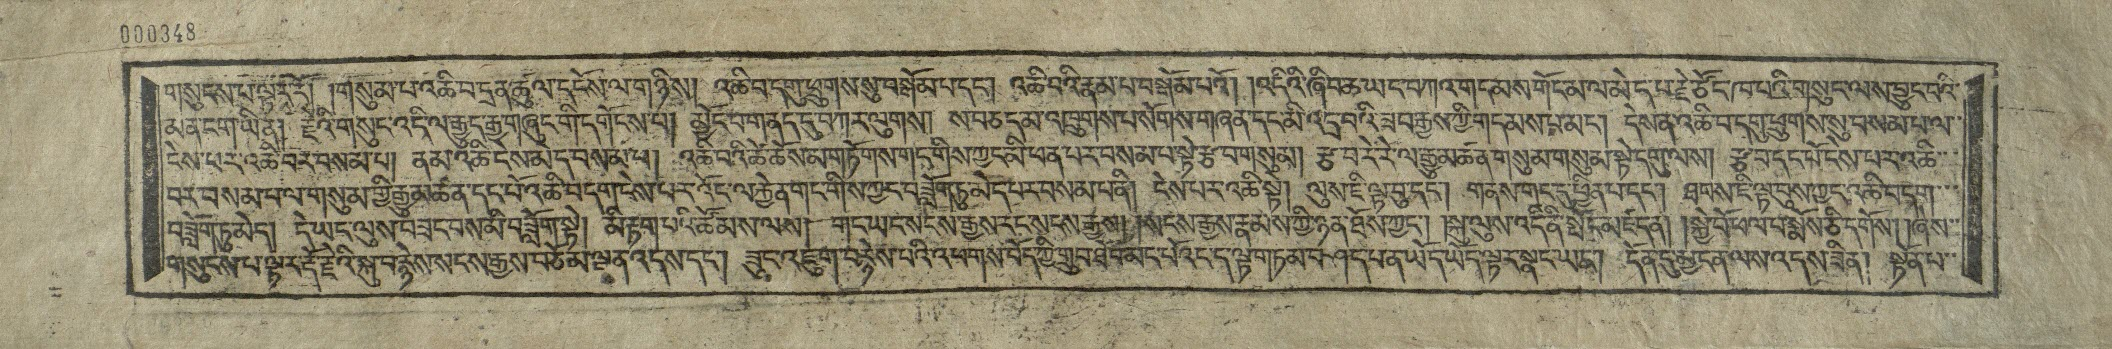གསུངས་པ་ལྟར་རོ། །གསུམ་པ་འཆི་བ་དྲན་ཚུལ་དངོས་ལ་གཉིས། འཆི་བ་དགུ་ཕྲུགས་སུ་བསྒོམ་པ་དང་། འཆི་བའི་རྣམ་པ་བསྒོམ་པའོ། །འདིའི་ཞིབ་ཆ་ཡང་བཀའ་གདམས་གོང་མ་ལ་མེད་པ་རྗེ་ཙོང་ཁ་པའི་གསུང་ལས་བྱུང་བའི་
མན་ངག་ཡིན། རྗེའི་གསུང་འདི་ལ་རྒྱུད་རྒྱ་གཞུང་གི་དགོངས་པ། མྱོང་བ་གནད་དུ་བཀར་ལུགས། ས་བཅད་མ་འཁྲུགས་པ་སོགས་གཞན་དང་མི་འདྲ་བའི་ཟབ་རྒྱས་ཀྱི་གདམས་པ་མང་། དེས་ན་འཆི་བ་དགུ་ཕྲུགས་སུ་བསམ་པ་ལ་
ངེས་པར་འཆི་བར་བསམ་པ། ནམ་འཆི་ངེས་མེད་བསམ་པ། འཆི་བའི་ཚེ་ཆོས་མ་གཏོགས་གང་གིས་ཀྱང་མི་ཕན་པར་བསམ་པ་སྟེ་རྩ་བ་གསུམ། རྩ་བ་རེ་རེ་ལ་རྒྱུ་མཚན་གསུམ་གསུམ་སྟེ་དགུ་ལས། རྩ་བ་དང་པོ་ངེས་པར་འཆི་
བར་བསམ་པ་ལ་གསུམ་གྱི་རྒྱུ་མཚན་དང་པོ་འཆི་བདག་ངེས་པར་འོང་ལ་རྐྱེན་གང་གིས་ཀྱང་བཟློག་ཏུ་མེད་པར་བསམ་པ་ནི། ངེས་པར་འཆི་སྟེ། ལུས་ཇི་ལྟ་བུ་དང་། གནས་གང་དུ་ཕྱིན་པ་དང་། ཐབས་ཇི་ལྟ་བུས་ཀྱང་འཆི་བདག་
བཟློག་ཏུ་མེད། དེ་ཡང་ལུས་བཟང་བས་མི་བཟློག་སྟེ། མི་རྟག་པའི་ཚོམས་ལས། གང་ཡང་སངས་རྒྱས་རང་སངས་རྒྱས། །སངས་རྒྱས་རྣམས་ཀྱི་ཉན་ཐོས་ཀྱང་། །སྐུ་ལུས་འདི་ནི་སྤོང་མཛད་ན། །སྐྱེ་བོ་ཕལ་པ་སྨོས་ཅི་དགོས། །ཞེས་
གསུངས་པ་ལྟར་རྡོ་རྗེའི་སྐུ་བརྙེས་སངས་རྒྱས་བཅོམ་ལྡན་འདས་དང་། ཟུང་འཇུག་བརྙེས་པའི་འཕགས་བོད་ཀྱི་གྲུབ་ཐོབ་མང་པོའང་ད་ལྟ་གཏམ་བཤད་པ་ན་ཡོད་ཡོད་ལྟར་སྣང་ཡང་། དོན་དུ་མྱ་ངན་ལས་འདས་ཟིན། སྟོན་པ་